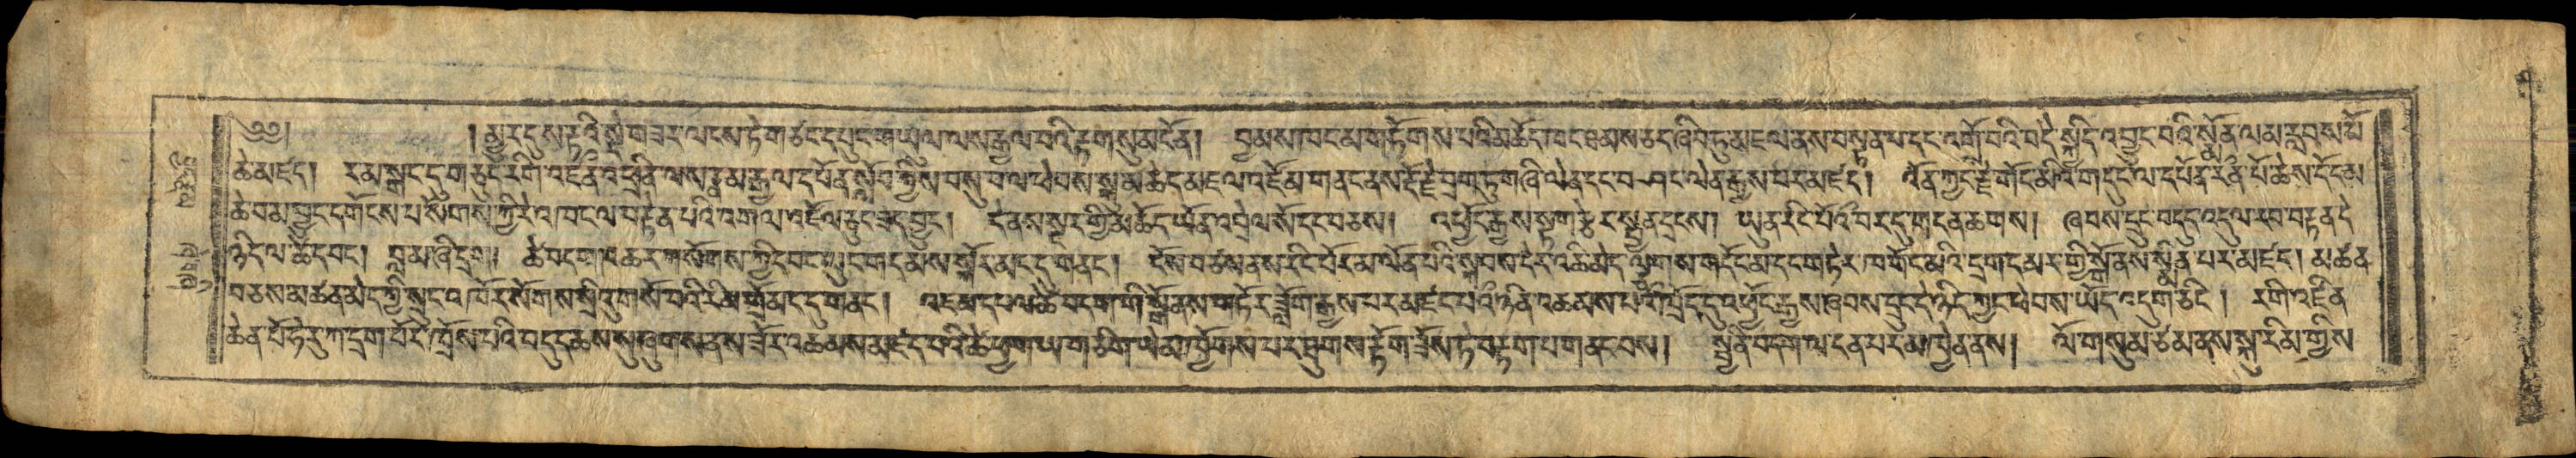༄༅། །མྱུར་དུ་ས་རྟའི་སྡེ་གཟར་ལངས་ཏེ་གཙང་དཔུང་གཡུལ་ལས་རྒྱལ་བའི་རྟག་གསུམ་ངོན། བྱམས་ཁང་མ་གཏོགས་པའི་མཆོད་ཁང་ཐམས་ཅད་ཞིབ་ཏུ་མཇལ་ནས་བསྟན་པ་དང་འགྲོ་བའི་བདེ་སྐྱིད་འབྱུང་བའི་སྨོན་ལམ་རླབས་པོ་
ཆེ་མཛད། ར་མ་སྒང་དུ་གཅུང་རིག་འཛིན་འཕྲིན་ལས་རྣམ་རྒྱལ་དཔོན་སློབ་ཀྱིས་བསུ་བ་ལ་ཕེབས་སྐུ་མཆེད་མཇལ་འཛོམ་གནང་ནས་རྡོ་རྗེ་བྲག་ཏུ་གཞི་ལེན་དང་བཤང་ལེན་རྒྱས་པར་མཛད། འོན་ཀྱང་རྗེ་གོང་མའི་གདུང་ལ་དཔོན་རྀན་པོ་ཆེས་ངོ་དམ་
ཆེ་བ་མ་བྱུང་དགོངས་པ་སོགས་ཀྱི་རེ་འཁང་ལ་བརྟེན་པའི་འགལ་འཛོལ་ཅུང་ཟད་བྱུང་། དེ་ནས་སྔར་གྱི་མཆོད་ཡོན་འབྲེལ་སོ་དང་བཅས། འཕྱོང་རྒྱས་སྟག་རྩེར་སྤྱན་དྲངས། ཡུན་རིང་པོཨཱྀ་བར་དུ་གདན་ཆགས། ཞབས་དྲུང་བདུད་འདུལ་རབ་བརྟན་དེ་
ཉིད་ལ་ཚེ་དབང་། བླ་མ་ཞི་དྲག། ཚེ་བདག། འཆར་ཀ་སོགས་ཀྱི་དབང་ལུང་གདམས་སྐོར་མང་དུ་གནང་། ངོས་བཙས་ནས་རིང་པོར་མ་ལོན་པའི་སྐབས་དེར་འཆི་མེད་ལྕགས་གདོང་མ་དང་གཏེར་ཁ་གོང་མའི་དྲག་དམར་གྱི་སྒོ་ནས་སྨིན་པར་མཛད། མཚན་
བཅས་མཚན་མེད་ཀྱི་སྲུང་འཁོར་སོགས་སྲིའུ་གསོ་བའི་རིམ་གྲོ་མང་དུ་གནང་། འཇམ་དཔལ་ཚེ་བདག་གི་སྒོ་ནས་གཏོར་ཟློག་རྒྱས་པ་མཛད་པཱྀ་ཉིན་འཚམས་པཱྀ་ཁྲོད་དུ་འཕྱོང་རྒྱས་ཞབས་དྲུང་དེ་ཉིད་ཀྱང་ཕེབས་ཡོད་འདུག་ཅིང་། རིག་འཛིན་
ཆེན་པོ་ཧེ་རུ་ཀ་དྲག་པོར་ཁྲོས་པའི་བདུད་ཆས་སུ་ཞུགས་ནས་ཟོར་འཆམས་མཛད་པའི་ཚེ་ཕྱག་ཡ་གཅིག་ཡེ་མ་ཁྱོགས་པར་ཐུགས་རྟོག་ཟོས་ཏེ་བརྟག་པ་གནང་བས། སྦྱིན་བདག་ལ་ངན་པར་མཁྱེན་ནས། ལོ་གསུམ་ཙམ་ནས་སྐ་རིམ་གྱིས་